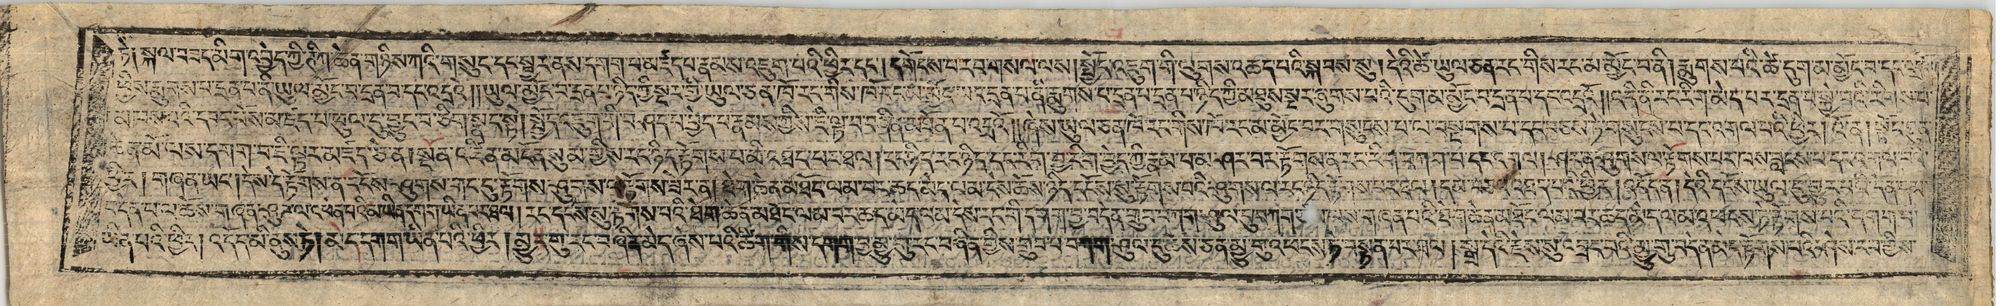ཏེ༑ སྐལ་བཟང་མིག་འབྱེད་ཀྱི་ཊིཀ་ཆེན་གཉིས་ཀའི་གསུང་དང་སྦྱར་ནས་དགག་པ་མཛད་པ་རྣམས་འཇུག་པའི་ཕྱིར་དང་། དགོངས་པ་རབ་གསལ་ལས། སྤྱོད་འཇུག་གི་ལུགས་འཆད་པའི་སྐབས་སུ། དེའི་ཚེ་ཡུལ་ཅན་རང་གིས་རང་མ་མྱོང་བ་ནི། རྨུགས་པའི་ཚེ་དུག་མ་མྱོང་བ་དང་འདྲའོ།
ཕྱིས་རྨུགས་པ་དྲན་པ་ནི་ཡུལ་མྱོང་བ་དྲན་པ་དང་འདྲའོ། །ཡུལ་མྱོང་བ་དྲན་པ་ཉིད་ཀྱི་སྔར་གྱི་ཡུལ་ཅན་ཁོ་རང་གིས་ཁོ་རང་མ་མྱོང་ཡང་དྲན་པ་ནི་རྨུགས་པ་དྲན་པ་དྲན་པ་ཉིད་གྱི་མཐུས་སྔར་ཞུགས་པའི་དུག་མ་མྱོང་བ་དྲན་པ་དང་འདྲའོ། །འདི་ནི་རང་རིག་མེད་པར་དྲན་པ་སྐྱེ་བའི་རིགས་པ་
མཁས་པའི་དབང་པོས་མཛད་པ་ཕུལ་དུ་བྱུང་བ་ཅིག་སྣང་སྟེ། སྤྱོད་འཇུག་གི་བཤད་པ་བྱེད་པ་རྣམས་ཀྱིས་ཇི་ལྟ་བ་བཞིན་མཐོན་པ་འདྲའོ། །ཞེས་ཡུལ་ཅན་ཁོ་རང་གིས་ཁོ་རང་མ་མྱོང་བར་གསུངས་པ་ལ་བསྔགས་པ་དང་བཅས་ཏེ་གསུངས་པ་དང་འགལ་བའི་ཕྱིར། འོ་ན། སྟོང་ཐུན་
ཆེན་མོ་ལས་དགག་བ་ཇི་ལྟར་མཛད་ཅེ་ན། སྔོན་འཛིན་མངོན་སུམ་གྱིས་རང་ཉིད་རྟོགས་པ་མི་འཐད་པར་ཐལ། རང་ཉིད་རང་ཉིད་དང་རིག་བྱ་རིག་བྱེད་ཀྱི་རྣམ་པ་མ་ཤར་བར་རྟོགས་ན་རང་རིག་བཀག་པ་དང་འགལ། ཤར་ན་ཤུགས་ལ་རྟོགས་པར་ཁས་བླངས་པ་དང་འགལ་བའི་
ཕྱིར། གཞན་ཡང་། དེས་དེ་རྟོགས་ན་དངོས་ཤུགས་གང་དུ་རྟོགས་ཤུགས་ལ་རྟོགས་ཟེར་ན། ཐེག་ཆེན་མཐོང་ལམ་བར་ཆད་མེད་ལམ་དེས་ཆོས་ཉིད་དངོས་སུ་རྟོགས་པའི་ཤུགས་ལ་རང་ཉིད་རྟོགས་པར་ཐལ། དམ་བཅའ་འཐད་པའི་ཕྱིར། འདོད་ན། དེའི་དངོས་ཡུལ་དུ་གྱུར་པའི་དོན་དམ་
བདེན་པ་ལ་ཆོས་གཞན་ཤུགས་ལ་འཕེན་པའི་མ་ཡིན་དགག་ཡིན་པར་ཐལ། རང་དངོས་སུ་རྟོགས་པའི་ཐེག་ཆེན་མཐོང་ལམ་བར་ཆད་མེད་ལམ་དེས་རང་གི་དགག་བྱ་བདེན་གྲུབ་བཀག་ཤུལ་དུ་བཀག་ཙམ་ལས་གཞན་པའི་ཐེག་ཆེན་མཐོང་ལམ་བར་ཆད་མེད་ལམ་འཕངས་ཏེ་རྟོགས་པའི་དགག་པ་
ཡིན་པའི་ཕྱིར། འདོད་མི་ནུས་ཏེ། མེད་དགག་ཡིན་པའི་ཕྱིར། མྱུ་གུ་རང་བཞིན་མེད་ཞེས་པའི་ཚིག་གིས་དགག་བྱ་མྱུ་གུ་རང་བཞིན་གྱིས་གྲུབ་པ་བཀག་ཤུལ་དུ་ཆོས་ཅན་མྱུ་གུ་འཕངས་ཏེ་བསྟན་པར་ཐལ། སྒྲ་དེའི་རྗེས་སུ་འབྲང་བའི་མྱུ་གུ་བདེན་མེད་རྟོགས་པའི་ཤེས་རབ་གྱིས་